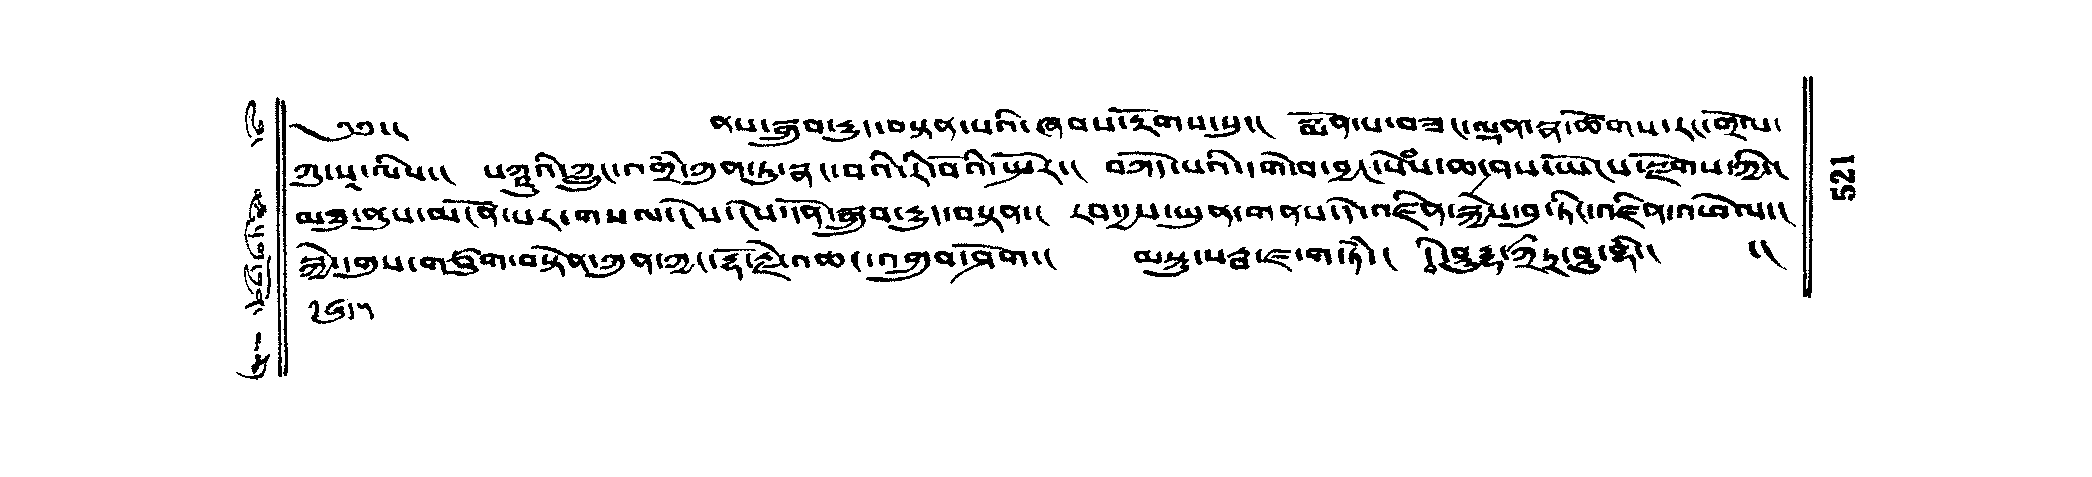ནས་སྒྲུབ་རྒྱུད་བསྟན་པའི་ཞབས་རྟོགས་སུ། །སྨོན་པ་བཟང་ལྡན་སྣ་ཚོགས་རང་གྲོལ་
ཀུ་སཱ་ལིས། །པཀྴུའི་ཀླུང་འགྲམ་ཀུན་ཏུ་སྣང་བའི་རི་བོར་སྤོར། །བཀོད་པའི་དགེ་བ་བྱང་སེམས་ཆ་ཤས་ཡོངས་རྫོགས་ཀྱི། །
མཐུ་ནུས་མངོན་པར་གསལ་ངེས་དོན་སྒྲུབ་རྒྱུད་བསྟན། །རབ་རྒྱས་ཡུན་གནས་དེ་འཛིན་སྐྱེས་བུ་ཏིང་འཛིན་འཕེལ། །
སྐྱེ་དགུས་གཙུག་བསྟེན་ཀུན་ཀྱང་རྡོ་རྗེ་འཆང་འགྲུབ་ཤོག་།མསྟུ་སརྦ་ཛ་ག་ཏཾ། དྭི་ཤུ་དྡྷ་ཀྲྀཏྲ་ཤུབྷཾ།